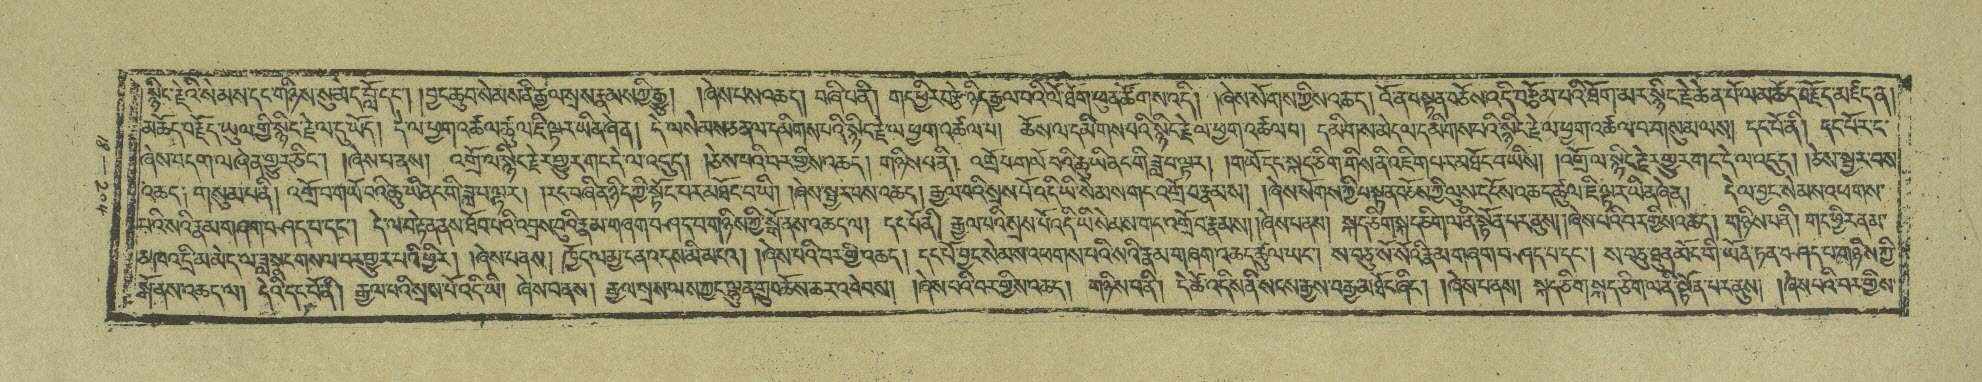སྙིང་རྗེའི་སེམས་དང་གཉིས་སུ་མེད་བློ་དང་། །བྱང་ཆུབ་སེམས་ནི་རྒྱལ་སྲས་རྣམས་ཀྱི་རྒྱུ། །ཞེས་པས་འཆད། བཞི་པ་ནི། གང་ཕྱིར་བརྩེ་ཉིད་རྒྱལ་བའི་ལོ་ཐོག་ཕུན་ཚོགས་འདི། །ཞེས་སོགས་ཀྱིས་འཆད། འོ་ན་བསྟན་བཅོས་འདི་བརྩོམ་པའི་ཐོག་མར་སྙིང་རྗེ་ཆེན་པོ་ལ་མཆོད་བརྗོད་མཛད་ན།
མཆོད་བརྗོད་ཡུལ་གྱི་སྙིང་རྗེ་ལ་དུ་ཡོད། དེ་ལ་ཕྱག་འཚལ་ཚུལ་ཇི་ལྟར་ཡིན་ཞེ་ན། དེ་ལ་སེམས་ཅན་ལ་དམིགས་པའི་སྙིང་རྗེ་ལ་ཕྱག་འཚལ་བ། ཆོས་ལ་དམིགས་པའི་སྙིང་རྗེ་ལ་ཕྱག་འཚལ་བ། དམིགས་མེད་ལ་དམིགས་པའི་སྙིང་རྗེ་ལ་ཕྱག་འཚལ་བ་གསུམ་ལས། དང་པོ་ནི། དང་པོར་ང་
ཞེས་བདག་ལ་ཞེན་གྱུར་ཅིང་། །ཞེས་པ་ནས། འགྲོ་ལ་སྙིང་རྗེར་གྱུར་གང་དེ་ལ་འདུད། །ཅེས་པའི་བར་གྱིས་འཆད། གཉིས་པ་ནི། འགྲོ་བ་གཡོ་བའི་ཆུ་ཡི་ནང་གི་ཟླ་བ་ལྟར། །གཡོ་དང་སྐད་ཅིག་གིས་ནི་འཇིག་པར་མཐོང་བ་ཡིས། །འགྲོ་ལ་སྙིང་རྗེར་གྱུར་གང་དེ་ལ་འདུད། །ཅེས་སྦྱར་བས་
འཆད། གསུམ་པ་ནི། འགྲོ་བ་གཡོ་བའི་ཆུ་ཡི་ནང་གི་ཟླ་བ་ལྟར། །རང་བཞིན་ཉིད་ཀྱི་སྟོང་བར་མཐོང་བ་ཡི། །ཞེས་སྦྱར་བས་འཆད། རྒྱལ་བའི་སྲས་པོ་འདི་ཡི་སེམས་གང་འགྲོ་བ་རྣམས། །ཞེས་སོགས་ཀྱི་བསྟན་བཅོས་ཀྱི་ལུས་དངོས་འཆད་ཚུལ་ཇི་ལྟར་ཡིན་ཞེ་ན། དེ་ལ་བྱང་སེམས་འཕགས་
པའི་སའི་རྣམ་གཞག་བཤད་པ་དང་། དེ་ལ་བརྟེན་ནས་ཐོབ་པའི་འབྲས་བུའི་རྣམ་གཞག་བཤད་པ་གཉིས་ཀྱི་སྒོ་ནས་འཆད་ལ། དང་པོ་ནི། རྒྱལ་བའི་སྲས་པོ་འདི་ཡི་སེམས་གང་འགྲོ་བ་རྣམས། །ཞེས་པ་ནས། སྐད་ཅིག་སྐད་ཅིག་ལ་ནི་སྟོན་པར་ནུས། །ཞེས་པའི་བར་གྱིས་འཆད། གཉིས་པ་ནི། གང་ཕྱིར་ནམ་
མཁའ་དྲི་མ་མེད་ལ་ཟླ་སྣང་གསལ་བར་གྱུར་པའི་ཕྱིར། །ཞེས་པ་ནས། ཁྱོད་ལ་མྱ་ངན་འདས་མི་མངའ། །ཞེས་པའི་བར་གྱི་འཆད། དང་པོ་བྱང་སེམས་འཕགས་པའི་སའི་རྣམ་གཞག་འཆད་ཚུལ་ཡང་། ས་བཅུ་སོ་སོའི་རྣམ་གཞག་བཤད་པ་དང་། ས་བཅུ་ཐུན་མོང་གི་ཡོན་ཏན་བཤད་པ་གཉིས་ཀྱི་
སྒོ་ནས་འཆད་ལ། དེའི་དང་པོ་ནི། རྒྱལ་བའི་སྲས་པོ་འདི་ཡི། ཞེས་པ་ནས། རྒྱལ་སྲས་ལས་ཀྱང་ལྷུན་གྲུབ་ཆོས་ཆར་འབེབས། །ཞེས་པའི་བར་གྱིས་འཆད། གཉིས་པ་ནི། དེ་ཚེ་འདིས་ནི་སངས་རྒྱས་བརྒྱ་མཐོང་ཞིང་། །ཞེས་པ་ནས། སྐད་ཅིག་སྐད་ཅིག་ལ་ནི་སྟོན་པར་ནུས། །ཞེས་པའི་བར་གྱིས་